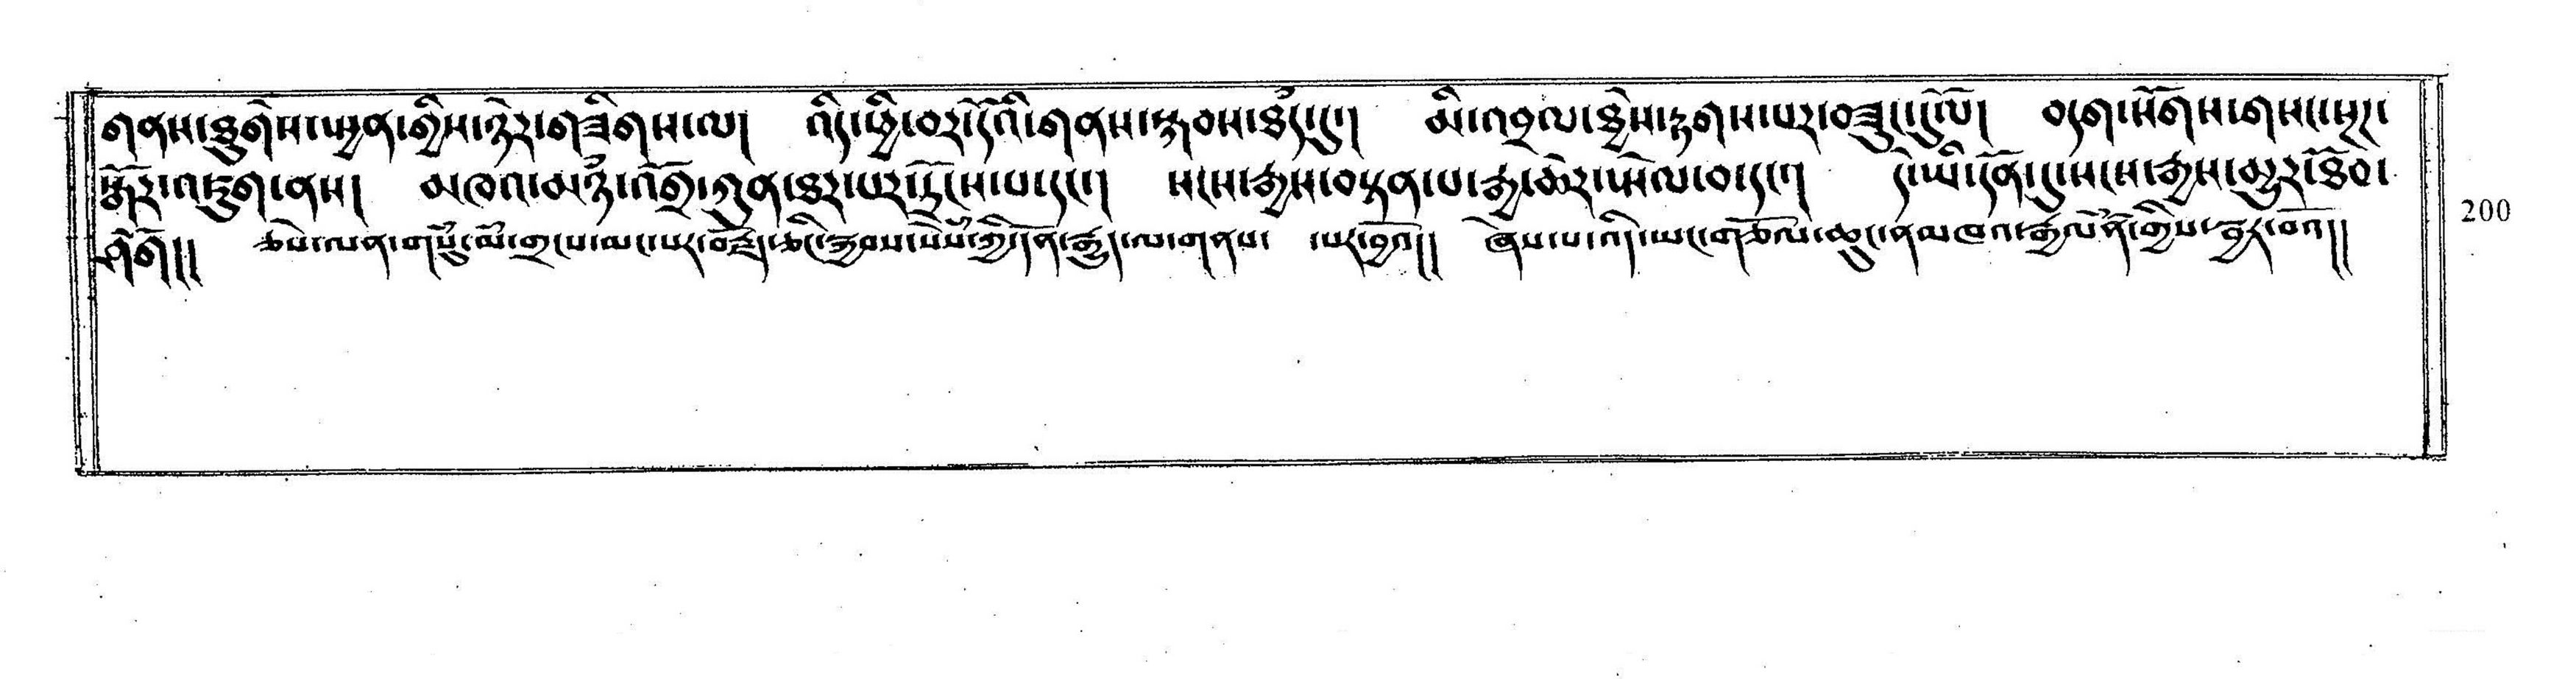གནས་ཐུགས་རྗེ་སྤྱན་གྱིས་ཉེར་གཟིགས་ལ། འདི་ཕྱི་བར་དོའི་གནས་སྐབས་ཐམས་ཅད་དུ། མི་འབྲལ་ཐུགས་རྗེས་རྟག་པར་བཟུང་དུ་གསོལ། བདག་སོགས་གསང་སྔགས་
སྒོར་འཇུག་ནས། མཁའ་མཉམ་འགྲོ་ཀུན་ཐར་པར་དྲོངས་པ་དང་། སངས་རྒྱས་བསྟན་པ་རྒྱ་ཆེར་སྤེལ་བ་དང་། དེ་ཡི་དོན་དུ་སངས་རྒྱས་མྱུར་ཐོབ་
ཤོག །། ཅེས་ལན་གསུམ་མམ་གྲངས་མང་བར་བརྗོད་ཅིང་སྐྱབས་སེམས་ཀྱི་དོན་རྒྱུད་ལ་གནས་པར་བྱའོ།། ཞེས་པ་འདི་ཡང་ཅོལ་ཆུང་ནམ་མཁའ་རྒྱལ་མཚན་གྱིས་སྦྱར་བའོ།།